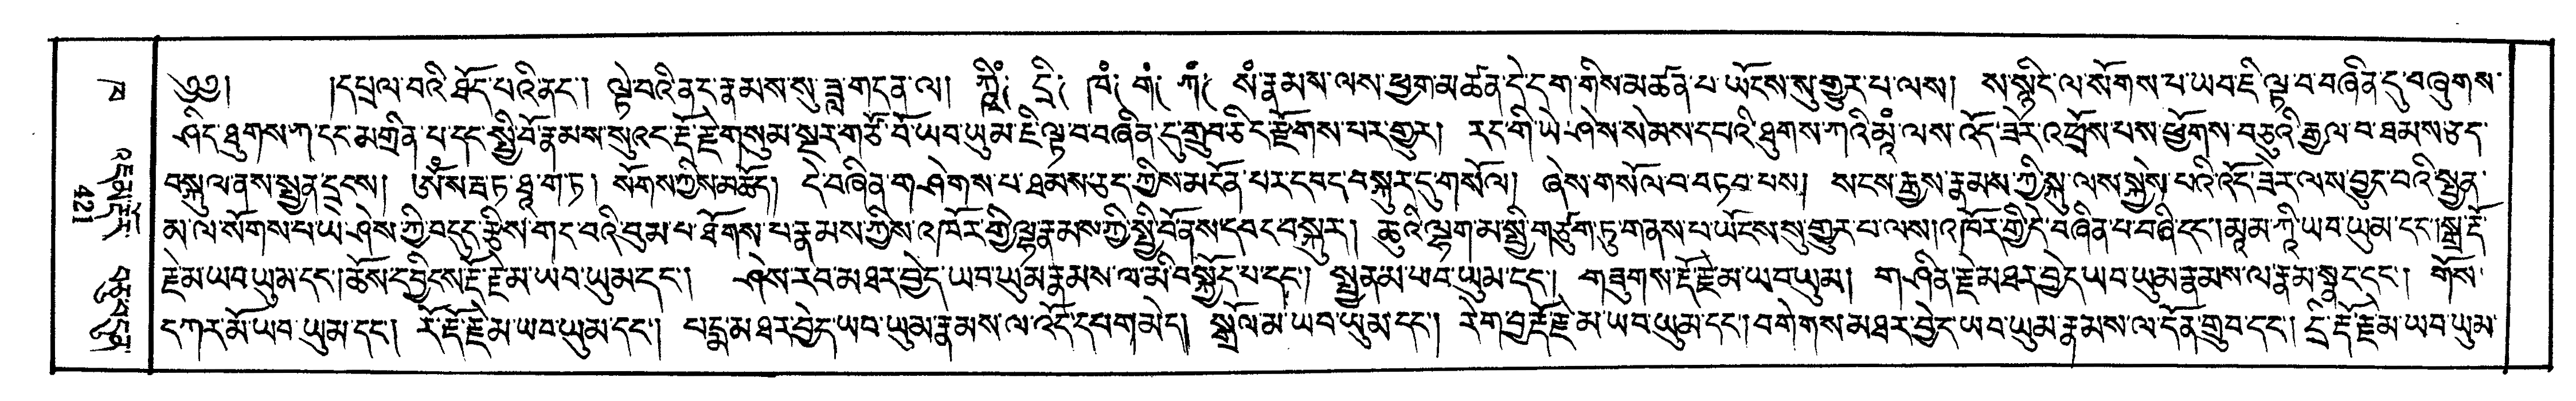༄༅། །དཔྲལ་བའི་ཐོད་པའི་ནང་། ལྟེ་བའི་ནད་རྣམས་སུ་ཟླ་གདན་ལ། ཀྵིཾ༑ ཛིཾ༑ ཁཾ༑ གཾ༑ ཀཾ༑ སཾ་རྣམས་ལས་ཕྱག་མཚན་དེ་དག་གིས་མཚན་པ་ཡོངས་སུ་གྱུར་པ་ལས། ས་སྙིང་ལ་སོགས་པ་ཡབ་ཇི་ལྟ་བ་བཞིན་དུ་བཞུགས་
ཤིང་ཐུགས་ཀ་དང་མགྲིན་པ་དང་སྤྱི་བོ་རྣམས་སུའང་རྡོ་རྗེ་གསུམ་སྔར་གཙོ་བོ་ཡབ་ཡུམ་ཇི་ལྟ་བ་བཞིན་དུ་གྲུབ་ཅིང་རྫོགས་པར་གྱུར། རང་གི་ཡེ་ཤེས་སེམས་དཔའི་ཐུགས་ཀའི་མཱཾ་ལས་འོད་ཟེར་འཕྲོས་པས་ཕྱོགས་བཅུའི་རྒྱལ་བ་ཐམས་ཅད་
བསྐུལ་ནས་སྤྱན་དྲངས། ཨོཾ་སརྦ་ཏ་ཐཱ་ག་ཏ། སོགས་ཀྱིས་མཆོད། དེ་བཞིན་གཤེགས་པ་ཐམས་ཅད་ཀྱིས་མངོན་པར་དབང་བསྐུར་དུ་གསོལ། ཞེས་གསོལ་བ་བཏབ་པས། སངས་རྒྱས་རྣམས་ཀྱི་སྐུ་ལས་སྐྱེས་པའི་འོད་ཟེར་ལས་བྱུང་བའི་སྤྱན་
མ་ལ་སོགས་པ་ཡེ་ཤེས་ཀྱི་བདུད་རྩིས་གང་བའི་བུམ་པ་ཐོགས་བ་རྣམས་ཀྱིས་འཁོར་གྱི་ལྷ་རྣམས་ཀྱི་སྦྱི་བོ་ནས་དབང་བསྐུར། ཆུའི་ལྷག་མ་སྦྱི་གཙུག་ཏུ་གནས་པ་ཡོངས་སུ་གྱུར་པ་ལས་།འཁོར་གྱི་དེ་བཞིན་པ་བཞིན་དང་། མཱ་མ་ཀཱི་ཡབ་ཡུམ་དང་། སྒྲ་རྡོ་
རྗེ་མ་ཡབ་ཡུམ་དང་།ཆོས་དབྱིངས་རྡོ་རྗེ་མ་ཡབ་ཡུམ་དང་། ཤེས་རབ་མཐར་བྱེད་ཡབ་ཡུམ་རྣམས་ལ་མི་བསྐྱོད་པ་དང་། སྤྱན་མ་ཡབ་ཡུམ་དང་། གཟུགས་རྡོ་རྗེ་མ་ཡབ་ཡུམ། གཤིན་རྗེ་མཐར་བྱེད་ཡབ་ཡུམ་རྣམས་ལ་རྣམ་སྣང་དང་། གོས་
དཀར་མོ་ཡབ་ཡུམ་དང་། རོ་རྡོ་རྗེ་མ་ཡབ་ཡུམ་དང་། པདམ་མཐར་བྱེད་ཡབ་ཡུམ་རྣམས་ལ་འོད་དཔག་མེད། སྒྲོལ་མ་ཡབ་ཡུམ་དང་། རེག་བྱ་རྡོ་རྗེ་མ་ཡབ་ཡུམ་དང་། བགེགས་མཐར་བྱེད་ཡབ་ཡུམ་རྣམས་ལ་དོན་གྲུབ་དང་། དྲི་རྡོ་རྗེ་མ་ཡབ་ཡུམ་